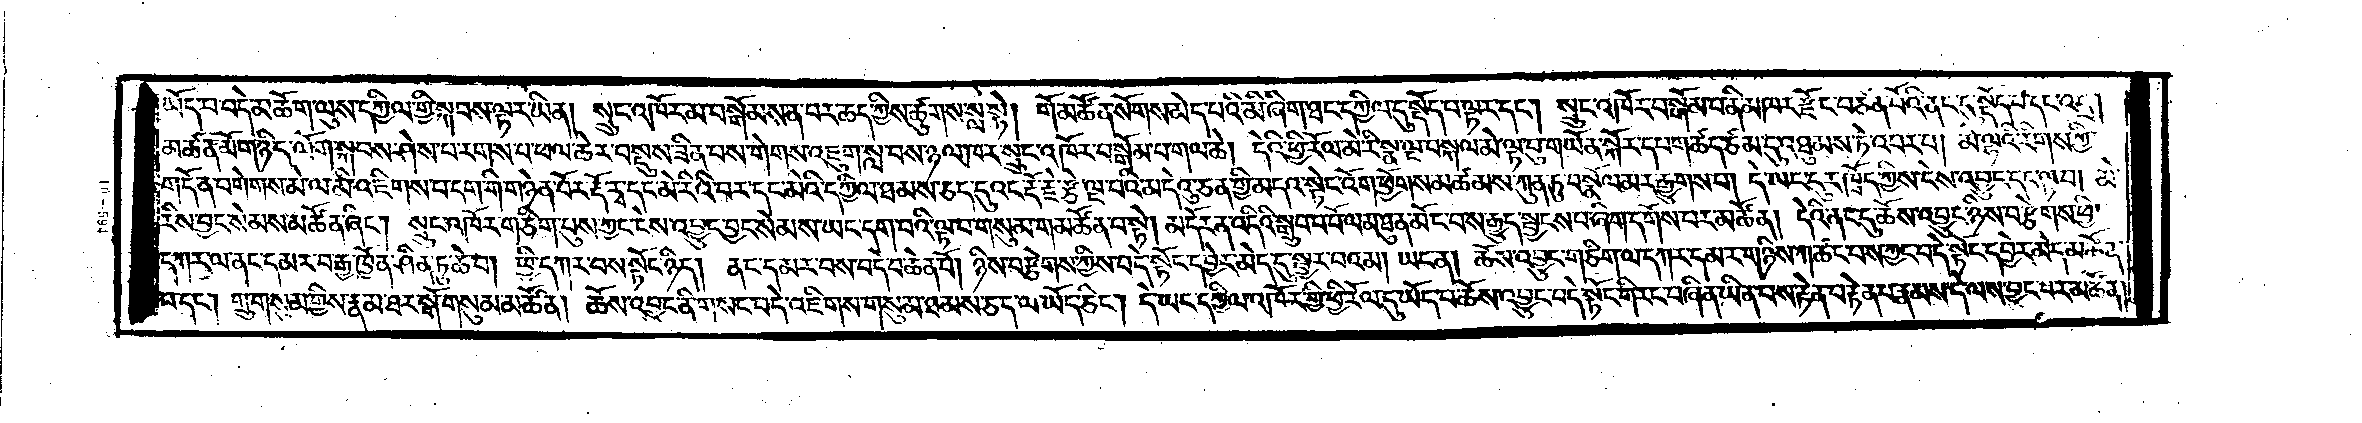ཡོད་པ་བདེ་མཆོག་ལུས་དཀྱིལ་གྱི་སྐབས་ལྟར་ཡིན། སྲུང་འཁོར་མ་བསྒོམས་ན་བར་ཆད་ཀྱིས་ཚུགས་སླ་སྟེ། གོ་མཚོན་སོགས་མེད་པའི་མི་ཞིག་ཐང་དཀྱིལ་དུ་སྡོད་པ་ལྟར་དང་། སྲུང་འཁོར་བསྒོམ་པ་ནི་མཁར་རྫོང་བཙན་པོའི་ནང་དུ་སྡོད་པ་དང་འདྲ།
མཚན་མོ་གཉིད་ལོག་སྐབས་ཤེས་པ་རགས་པ་ཕལ་ཆེར་བསྡུས་ཟིན་པས་གེགས་འཇུག་སླ་བས་ཉལ་ཁར་སྲུང་འཁོར་བགོམ་བ་གལ་ཆེ། དེའི་ཕྱི་རོལ་མེ་རི་སྣ་ལྔ་བསྐལ་མེ་ལྟ་བུ་གཡོན་སྐོར་དཔག་ཚད་ཙམ་དུ་འཐུམས་ཏེ་འབར་བ། མེ་ལྷའི་རིགས་ཀྱི་
གདོན་བགེགས་མེ་ལ་མི་འཇིགས་པ་དག་གི་གཉེན་པོར་རྡོ་རྭ་དང་མེ་རིའི་བར་དང་མེའི་དཀྱིལ་ཐམས་ཅད་དུའང་རྡོ་རྗེ་རྩེ་ལྔ་བའི་མདེའུ་ཅན་གྱི་མདའ་སྟེང་འོག་ཕྱོགས་མཚམས་ཀུན་ཏུ་བསྣོལ་མར་རྒྱུགས་པ། དེ་ཡང་དུར་ཁྲོད་ཀྱིས་ངེས་འབྱུང་དང་ལྟ་བ། མེ་
རིས་བྱང་སེམས་མཚོན་ཞིང་། སྲུང་འཁོར་གཅིག་པུས་ཀྱང་ངེས་འབྱུང་བྱང་སེམས་ཡང་དག་པའི་ལྟ་བ་གསུམ་ག་མཚོན་པ་སྟེ། མདོར་ན་འདིའི་སྒྲུབ་པ་པོ་ལམ་ཐུན་མོང་བས་རྒྱུད་སྦྱངས་པ་ཞིག་དགོས་པར་མཚོན། དེའི་ནང་དུ་ཆོས་འབྱུ་བ་ཉིས་བརྩེགས་ཕྱི་
དཀར་ལ་ནང་དམར་བརྒྱ་ཁྱོན་ཤིན་ཏུ་ཆེ་བ། ཕྱི་དཀར་བས་སྟོང་ཉིད། ནང་དམར་བས་བདེ་བ་ཆེན་པོ། ཉིས་བརྩེགས་ཀྱིས་བདེ་སྟོང་དབྱེར་མེད་དུ་སྦྱར་བའམ། ཡང་ན། ཆོས་འབྱུང་གཅིག་ལ་དཀར་དམར་གཉིས་ཀ་ཚང་བས་ཀྱང་བདེ་སྟོང་དབྱེར་མེད་མཚོན་
པ་དང་། གྲུ་གསུམ་གྱིས་རྣམ་ཐར་སྒོ་གསུམ་མཚོན། ཆོས་འབྱུང་ནི་གསང་བདེ་འཇིགས་གསུམ་ཐམས་ཅད་ལ་ཡོད་ཅིང་། དེ་ཡང་དཀྱིལ་འཁོར་གྱི་ཕྱི་རོལ་དུ་ཡོད་པ་ཆོས་འབྱུང་བདེ་སྟོང་གི་རང་བཞིན་ཡིན་པས་རྟེན་བརྟེན་པ་རྣམས་དེ་ལས་བྱུང་བར་མཚོན་